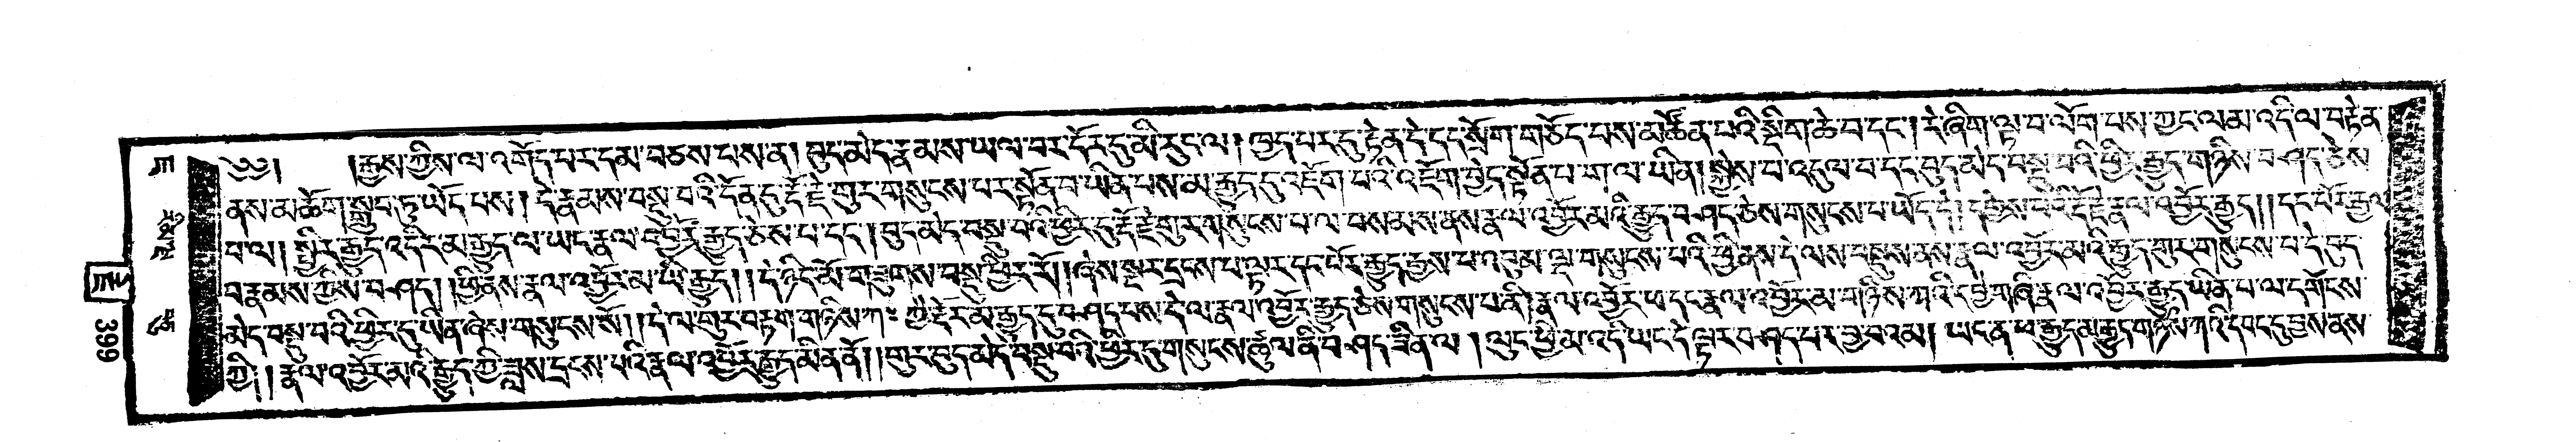༄༅། །རྒྱས་ཀྱིས་ལ་འགོད་པར་དམ་བཅས་པས་ན། བུད་མེད་རྣམས་ཡལ་བར་དོར་དུ་མི་རུང་ལ། ཁྱད་པར་དུ་རྟེན་དེ་དང་སྲོག་གཅོད་པས་མཚོན་པའི་སྡིག་ཆེ་བ་དང་། རེ་ཞིག་ལྟ་བ་ལོག་པས་ཀྱང་ལམ་འདི་ལ་བརྟེན་
ནས་མཆོག་སྒྲུབ་ཏུ་ཡོད་པས། དེ་རྣམས་བསྡུ་བའི་དོན་དུ་རྡོ་རྗེ་གུར་གསུངས་པར་སྟོན་པ་ཡིན་པས་མ་རྒྱུད་དུ་འཇོག་པའི་འཇོག་བྱེད་སྟོན་པ་ག་ལ་ཡིན། སྐྱེས་པ་འདུལ་བ་དང་བུད་མེད་བསྡུ་བའི་ཕྱིར་རྒྱུད་གཉིས་བཤད་ཅེས་
པ་ལ། སྤྱིར་རྒྱུད་འདིར་མ་རྒྱུད་ལ་ཡང་རྣལ་འབྱོར་རྒྱུད་ཅེས་པ་དང་། བུད་མེད་བསྡུ་བའི་ཕྱིར་དུ་རྡོ་རྗེ་གུར་གསུངས་པ་ལ་བསམས་ནས་རྣལ་འབྱོར་མའི་རྒྱུད་བཤད་ཅེས་གསུངས་པ་ཡོད་དེ། དགྱེས་པའི་རྡོ་རྗེ་རྣལ་འབྱོར་རྒྱུད། །དང་པོར་རྒྱལ་
བ་རྣམས་ཀྱིས་བཤད། །ཕྱི་ནས་རྣལ་འབྱོར་མ་ཡི་རྒྱུད། །དེ་ཉིད་མོ་གཟུགས་བསྡུ་ཕྱིར་རོ། །ཞེས་སྔར་དྲངས་པ་ལྟར་དང་པོར་རྒྱུད་རྒྱས་པ་འབུམ་ལྔ་གསུངས་པའི་ཕྱི་ནས་དེ་ལས་བསྡུས་ནས་རྣལ་འབྱོར་མའི་རྒྱུད་གུར་གསུངས་པ་དེ་བུད་
མེད་བསྡུ་བའི་ཕྱིར་དུ་ཡིན་ཞེས་གསུངས་སོ། །དེ་ལ་གུར་བརྟག་གཉིས་ཀར་ཀྱི་རྡོར་མ་རྒྱུད་དུ་བཤད་པས་དེ་ལ་རྣལ་འབྱོར་རྒྱུད་ཅེས་གསུངས་པ་ནི། རྣལ་འབྱོར་ཕ་དང་རྣལ་འབྱོར་མ་གཉིས་ཀའི་དབྱེ་གཞི་རྣལ་འབྱོར་རྒྱུད་ཡིན་པ་ལ་དགོངས་ཀྱི། །རྣལ་འབྱོར་མའི་རྒྱུད་ཀྱི་ཟླས་དྲངས་པའི་རྣལ་འབྱོར་རྒྱུད་མིན་ནོ། །གུར་བུད་མེད་བསྡུ་བའི་ཕྱིར་དུ་གསུངས་ཚུལ་ནི་བཤད་ཟིན་ལ་།ལུང་ཕྱི་མ་འདི་ཡང་དེ་ལྟར་བཤད་པར་བྱ་བའམ། ཡང་ན་ཕ་རྒྱུད་མ་རྒྱུད་གཉིས་ཀའི་དབང་དུ་བྱས་ནས་